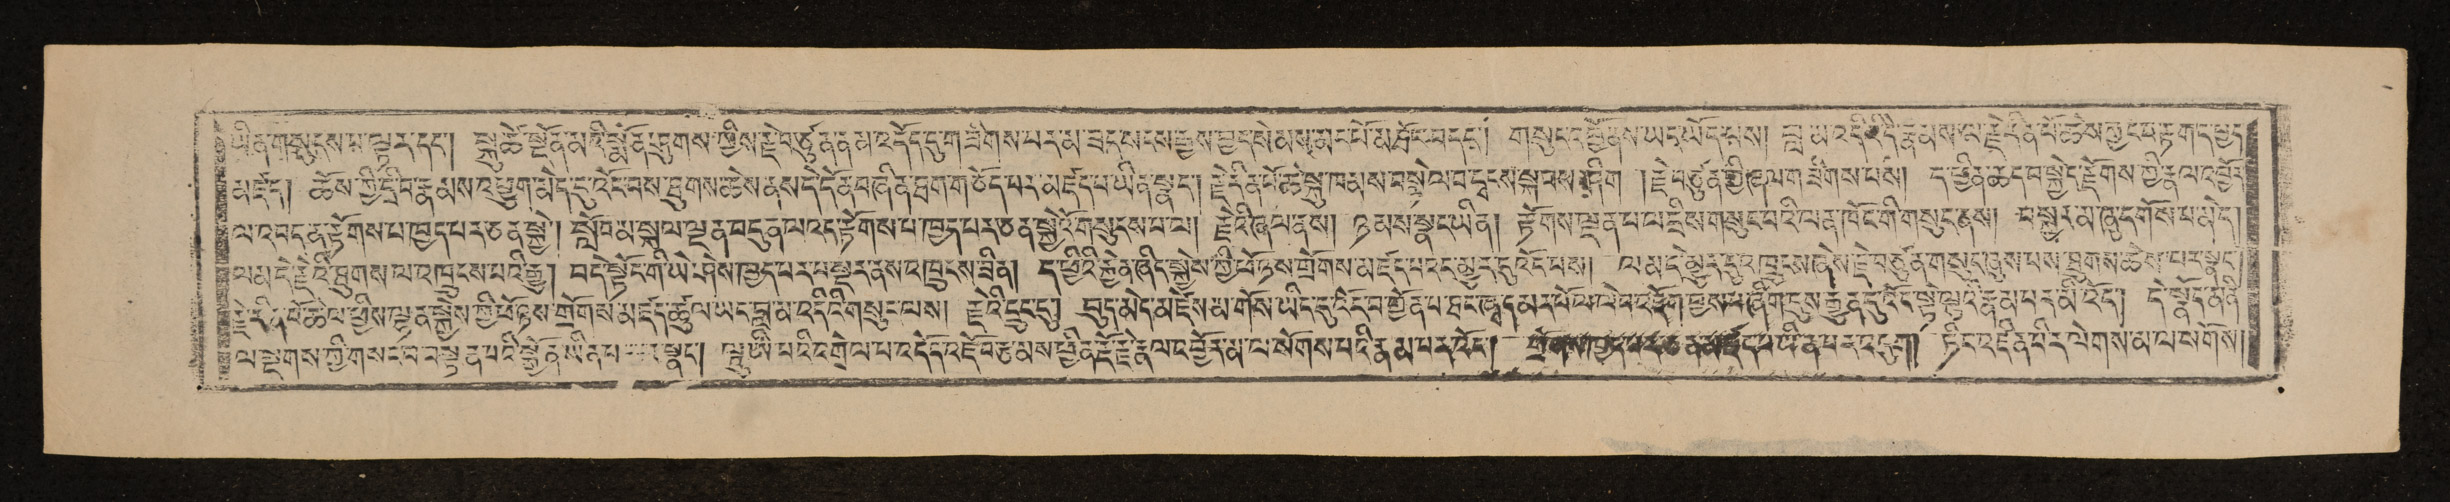ཡིན་གསུངས་པ་ལྟར་དང་། སྐུ་ཚེ་སྔོན་མའི་སྨོན་ཤུགས་ཀྱིས་རྗེ་བཙུན་ནམ་འདོད་དུ་གཟིགས་པར་མ་ཟད་སངས་རྒྱས་བྱང་སེམས་མང་པོ་མཐོང་བ་དང་། གསུང་འབྱོན་པ་ཡང་ཡོད་པས། བླ་མ་འདིའི་དེ་རྣམས་ལ་རྗེ་རིན་པོ་ཆེས་ཀྱང་བརྟག་དཔྱད་
མཛད། ཆོས་ཀྱི་དྲི་བ་རྣམས་འཕྱུག་མེད་དུ་འོད་བས་ཐུགས་ཆེས་ནས་དེ་དོན་བཞིན་ཐག་གཅོད་པར་མཛད་པ་ཡིན་སྣང་། རྗེ་རིན་པོ་ཆེ་སྐུ་ཁམས་བསྙེལ་བ་དྭངས་སྐབས་ཤིག །རྗེ་བཙུན་གྱི་ཞལ་གཟིགས་བས། ད་ཕྱིན་ཆད་བསྐྱེད་རྫོགས་ཀྱི་རྣལ་འབྱོར་
ལ་འབད་ན་རྟོགས་པ་ཁྱད་པར་ཅན་སྐྱེ། སློབ་མ་སྐལ་ལྡན་བདུན་ལའང་རྟོགས་པ་ཁྱད་པར་ཅན་སྐྱེའོ་གསུངས་པ་ལ། རྗེའི་ཞལ་ནས། ཉམས་སྣང་ཡིན། རྟོགས་ལྡན་པ་ལ་དྲིས་གསུང་བའི་ལན་ཁོང་གི་གསུང་ནས། བསྐྱར་མ་ཞུ་དགོས་པ་མེད།
ལམ་དེ་རྗེའི་ཐུགས་ལ་འཁྲུངས་པའི་རྒྱུ། བདེ་སྟོང་གི་ཡེ་ཤེས་ཁྱད་པར་བསྔར་ནས་འཁྲུངས་ཟིན། ད་ཕྱིའི་རྐྱེན་ཞིང་སྐྱེས་ཀྱི་ཕོ་ཉས་གྲོགས་མཛད་པའང་མྱུར་དུ་འོད་བས། ལམ་དེ་མྱུར་དུ་འཁྲུངས་ཞེས་རྗེ་བཙུན་གསུང་ཞུས་པས་ཐུགས་ཆེས་བར་སྣང་
རྗེ་རིན་ངོ་ཆེལ་ཕྱིས་ལྷན་སྐྱེས་ཀྱི་ཕོ་ཉས་གྲོགས་མཛད་ཚུལ་ཡང་བླ་མ་འདིའི་གསུང་ལས། རྗེའི་དྲུང་དུ། བུད་མེད་མཛེས་མ་གོས་ཡིད་དུ་འོང་བ་གྱོན་པ་ཐང་ཞྭ་དམར་པོ་ལ་ལེ་བ་འཇོག་བྱས་བཞིག་དུས་རྒྱུན་དུ་འོད་སྟེ་ལྷའི་རྣམ་པར་མི་འོང་། དེ་སྣོད་མིན་
ལ་སྔགས་ཀྱི་གསང་བ་བསྟན་པའི་སྐྱོན་ཡིན་པར་སྣང་། ལཱུ་ཨི་པའི་འགྲེལ་པ་འདོད་འཇོ་བརྩམས་ཕྱིན་རྡོ་རྗེ་རྣལ་འབྱོར་མ་ལ་སོགས་པའི་རྣམ་པར་འོང་། གྲོགས་ཁྱད་པར་ཅན་མཛད་པ་ཡིན་པར་འདུག། ཏིང་འཛིན་པིར་ལེགས་མ་ལ་སོགས་